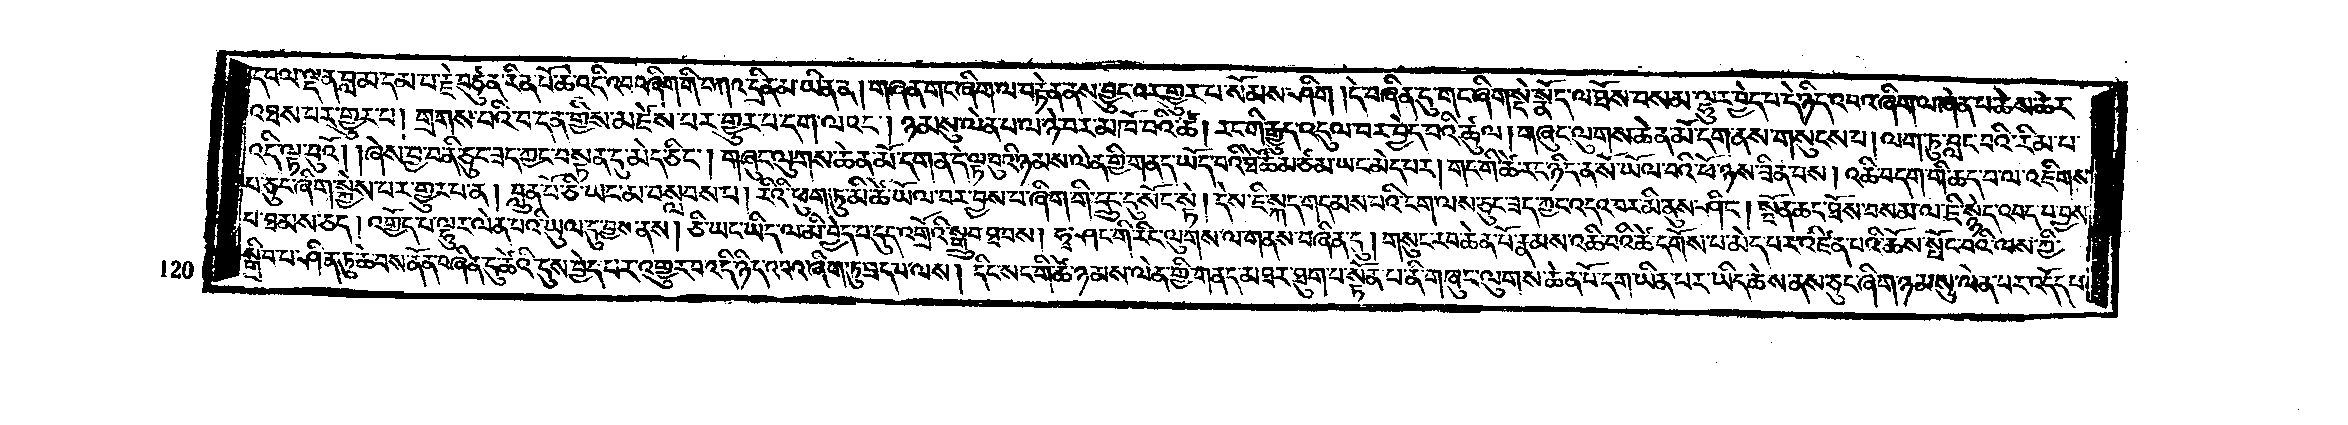དཔལ་ལྡན་བླ་མ་དམ་པ་རྗེ་བཙུན་རིན་པོ་ཆེ་འདི་འབའ་ཞིག་གི་བཀའ་དྲིན་མ་ཡིན་ན། གཞན་གང་ཞིག་ལ་བརྟེན་ནས་བྱུང་བར་གྱུར་པ་སོམས་ཤིག །དེ་བཞིན་དུ་གང་ཞིག་སྡེ་སྣོད་ལ་ཐོས་བསམ་ལྷུར་བྱེད་པ་དེ་ཉིད་འབའ་ཞིག་ལ་ཞེན་པ་ཆེས་ཆེར་
འཐས་པར་གྱུར་པ། གྲགས་པའི་བ་དན་གྱིས་མཛེས་པར་གྱུར་པ་དག་ལའང་། ཉམས་སུ་ལེན་པ་ལ་ཉེ་བར་མཁོ་བའི་ཚེ། རང་གི་རྒྱུད་འདུལ་བར་བྱེད་པའི་ཚུལ། གཞུང་ལུགས་ཆེན་མོ་དག་ནས་གསུངས་པ། ལག་ཏུ་བླང་བའི་རིམ་པ་
འདི་ལྟ་བུའོ། །ཞེས་བྱ་བ་ནི་ཅུང་ཟད་ཀྱང་བསྟན་དུ་མེད་ཅིང་། གཞུང་ལུགས་ཆེན་མོ་དག་ན་དེ་ལྟ་བུའི་ཉམས་ལེན་གྱི་གནད་ཡོད་པའི་ཐེ་ཚོམ་ཙམ་ཡང་མེད་པར། གང་གི་ཚེ་རང་ཉིད་ན་སོ་ཡོལ་བའི་ཕོ་ཉས་ཟིན་པས། འཆི་བདག་གི་ཆད་པ་ལ་འཇིགས་
པ་ཅུང་ཞིག་སྐྱེས་པར་གྱུར་པ་ན། བླུན་པོ་ཅི་ཡང་མ་བསླབས་པ། རིའི་ཕུག་ཏུ་མི་ཚེ་ཡོལ་བར་བྱས་པ་ཞིག་གི་དྲུང་དུ་སོང་སྟེ། དེས་ཇི་སྐད་གདམས་པའི་ངག་ལས་ཅུང་ཟད་ཀྱང་འདའ་བར་མི་ནུས་ཤིང་། སྔོན་ཆང་ཐོས་བསམ་ལ་ཇི་སྙེད་འབད་པ་བྱས་
པ་ཐམས་ཅད། འགྱོད་པ་ལྷུར་ལེན་པའི་ཡུལ་དུ་བྱས་ནས། ཅི་ཡང་ཡིད་ལ་མི་བྱེད་པ་དུད་འགྲོའི་སྒྲུབ་ཐབས། ཧྭ་ཤང་གི་རིང་ལུགས་ལ་གནས་བཞིན་དུ། གསུང་རབ་ཆེན་པོ་རྣམས་འཆི་བའི་ཚེ་དགོས་པ་མེད་པར་འཛིན་པའི་ཆོས་སྤོང་བའི་ལས་ཀྱི་
སྒྲིབ་པ་ཤིན་ཏུ་ཆེ་བས་ནོན་བཞིན་དུ་ཚེའི་དུས་བྱེད་པར་འགྱུར་བ་འདི་ཉིད་འབའ་ཞིག་ཏུ་ཟད་པ་ལས། དིང་སང་གི་ཚེ་ཉམས་ལེན་གྱི་གནད་མཐར་ཐུག་པ་སྟོན་པ་ནི་གཞུང་ལུགས་ཆེན་པོ་དག་ཡིན་པར་ཡིད་ཆེས་ནས་ཅུང་ཞིག་ཉམས་སུ་ལེན་པར་འདོད་པ་